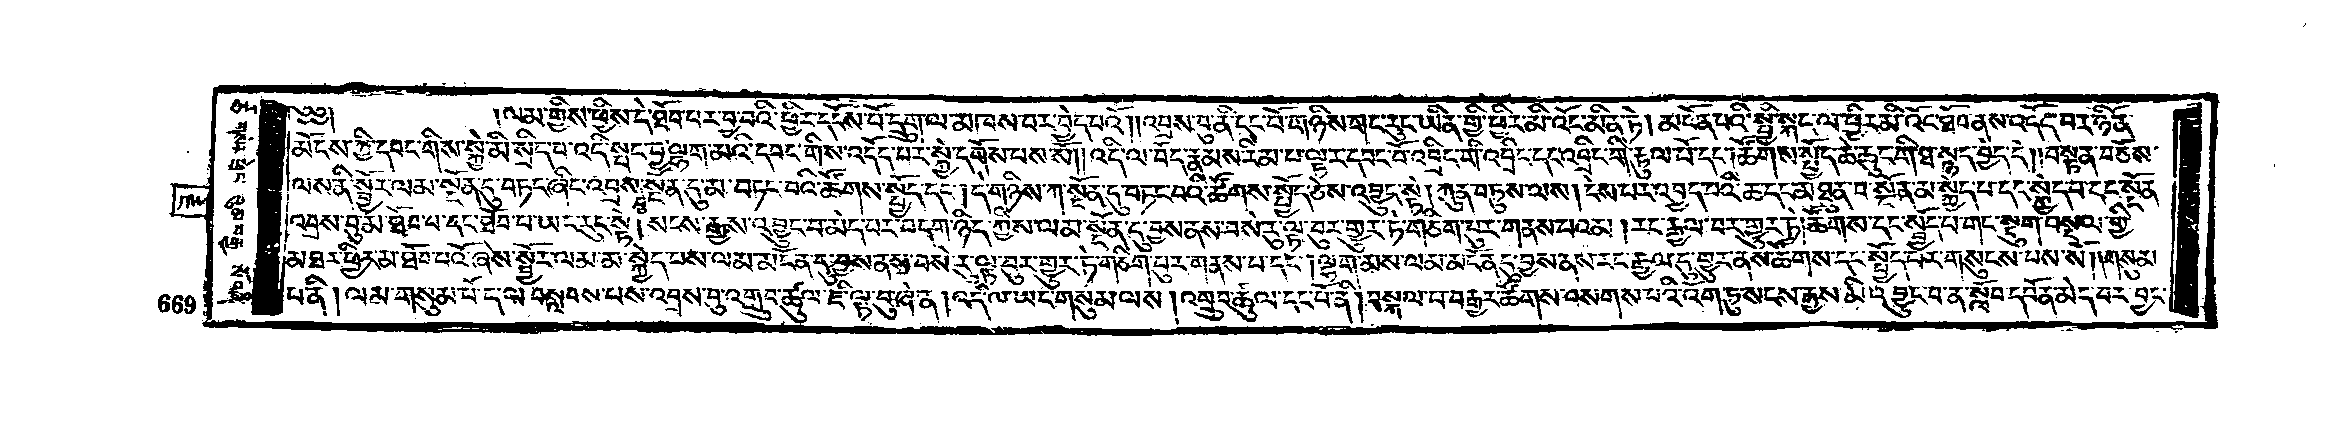༄༅། །ལམ་གྱིས་ཕྱིས་དེ་ཐོབ་པར་བྱ་བའི་ཕྱིར་དངོས་པོ་དྲུག་ལ་མཁས་པར་བྱེད་པའོ། །འབྲས་བུ་ནི་དང་པོ་གཉིས་གང་རུང་ཡིན་གྱི་ཕྱིར་མི་འོང་མིན་ཏེ། མངོན་པའི་སྤྱི་སྐད་ལ་ཕྱིར་མི་འོང་ཐོབ་ནས་འདོད་པར་ཉོན་
མོངས་ཀྱི་དབང་གིས་སྐྱེ་མི་སྲིད་པ་འདི་སྤང་བྱ་ལྷག་མའི་དབང་གིས་འདོད་པར་སྐྱེ་དགོས་པས་སོ། །འདི་ལ་བོད་རྣམས་རིམ་པ་ལྟར་དབང་པོ་འབྲིང་གི་འབྲིང་དང་འབྲིང་གི་རྟུལ་པོ་དང་ཚེགས་སྤྱོད་ཆེ་ཆུང་གི་ཐ་སྙད་བྱེད་དེ། །བསྟན་བཅོས་
ལས་ནི་སྦྱོར་ལམ་སྔོན་དུ་བཏང་ཞིང་འབྲས་བུ་སྔོན་དུ་མ་བཏང་བའི་ཚོགས་སྤྱོད་དང་། དེ་གཉིས་ཀ་སྔོན་དུ་བཏང་བའི་ཚོགས་སྤྱོད་ཅེས་འབྱུང་སྟེ་ཀུན་བཏུས་ལས། ངེས་པར་འབྱེད་པའི་ཆ་དང་མཐུན་པ་སྔོན་མ་སྐྱེད་པ་དང་སྐྱེད་པ་དང་སྔོན་
འབྲས་བུ་མ་ཐོབ་པ་དང་ཐོབ་པ་ཡང་རུང་སྟེ། སངས་རྒྱས་འབྱུང་བ་མེད་པར་བདག་ཉིད་ཀྱིས་ལམ་སྔོན་དུ་བྱས་ནས་བསེ་རུ་ལྟ་བུར་གྱུར་ཏེ་གཅིག་པུར་གནས་པའམ། རང་རྒྱལ་བར་གྱུར་ཏེ། ཚོགས་དང་སྤྱོད་པ་གང་སྡུག་བསྔལ་གྱི་
མཐར་ཕྱིན་པ་ཐོབ་པའོ་ཞེས་སྦྱོར་ལམ་མ་སྐྱེད་པས་ལམ་མངོན་དུ་བྱས་ནས་བསེ་རུ་ལྟ་བུར་གྱུར་ཏེ་གཅིག་པུར་གནས་པ་དང་། ལྷག་མས་ལམ་མངོན་དུ་བྱས་ནས་རང་རྒྱལ་དུ་གྱུར་ནས་ཚོགས་དང་སྤྱོད་པར་གསུངས་པས་སོ། །གསུམ་
པ་ནི། ལན་གསུམ་པོ་དེ་ལ་བསླབས་པས་འབྲས་བུ་འགྲུབ་ཚུལ་ཇི་ལྟ་བུ་ཞེ་ན། འདི་ལ་ཡང་གསུམ་ལས། འགྲུབ་ཚུལ་དང་པོ་ནི། བསྐལ་པ་བརྒྱར་ཚོགས་བསགས་པའི་འོག་ཏུ་སངས་རྒྱས་མི་འབྱུང་བ་ན་སློབ་དཔོན་མེད་པར་བྱང་